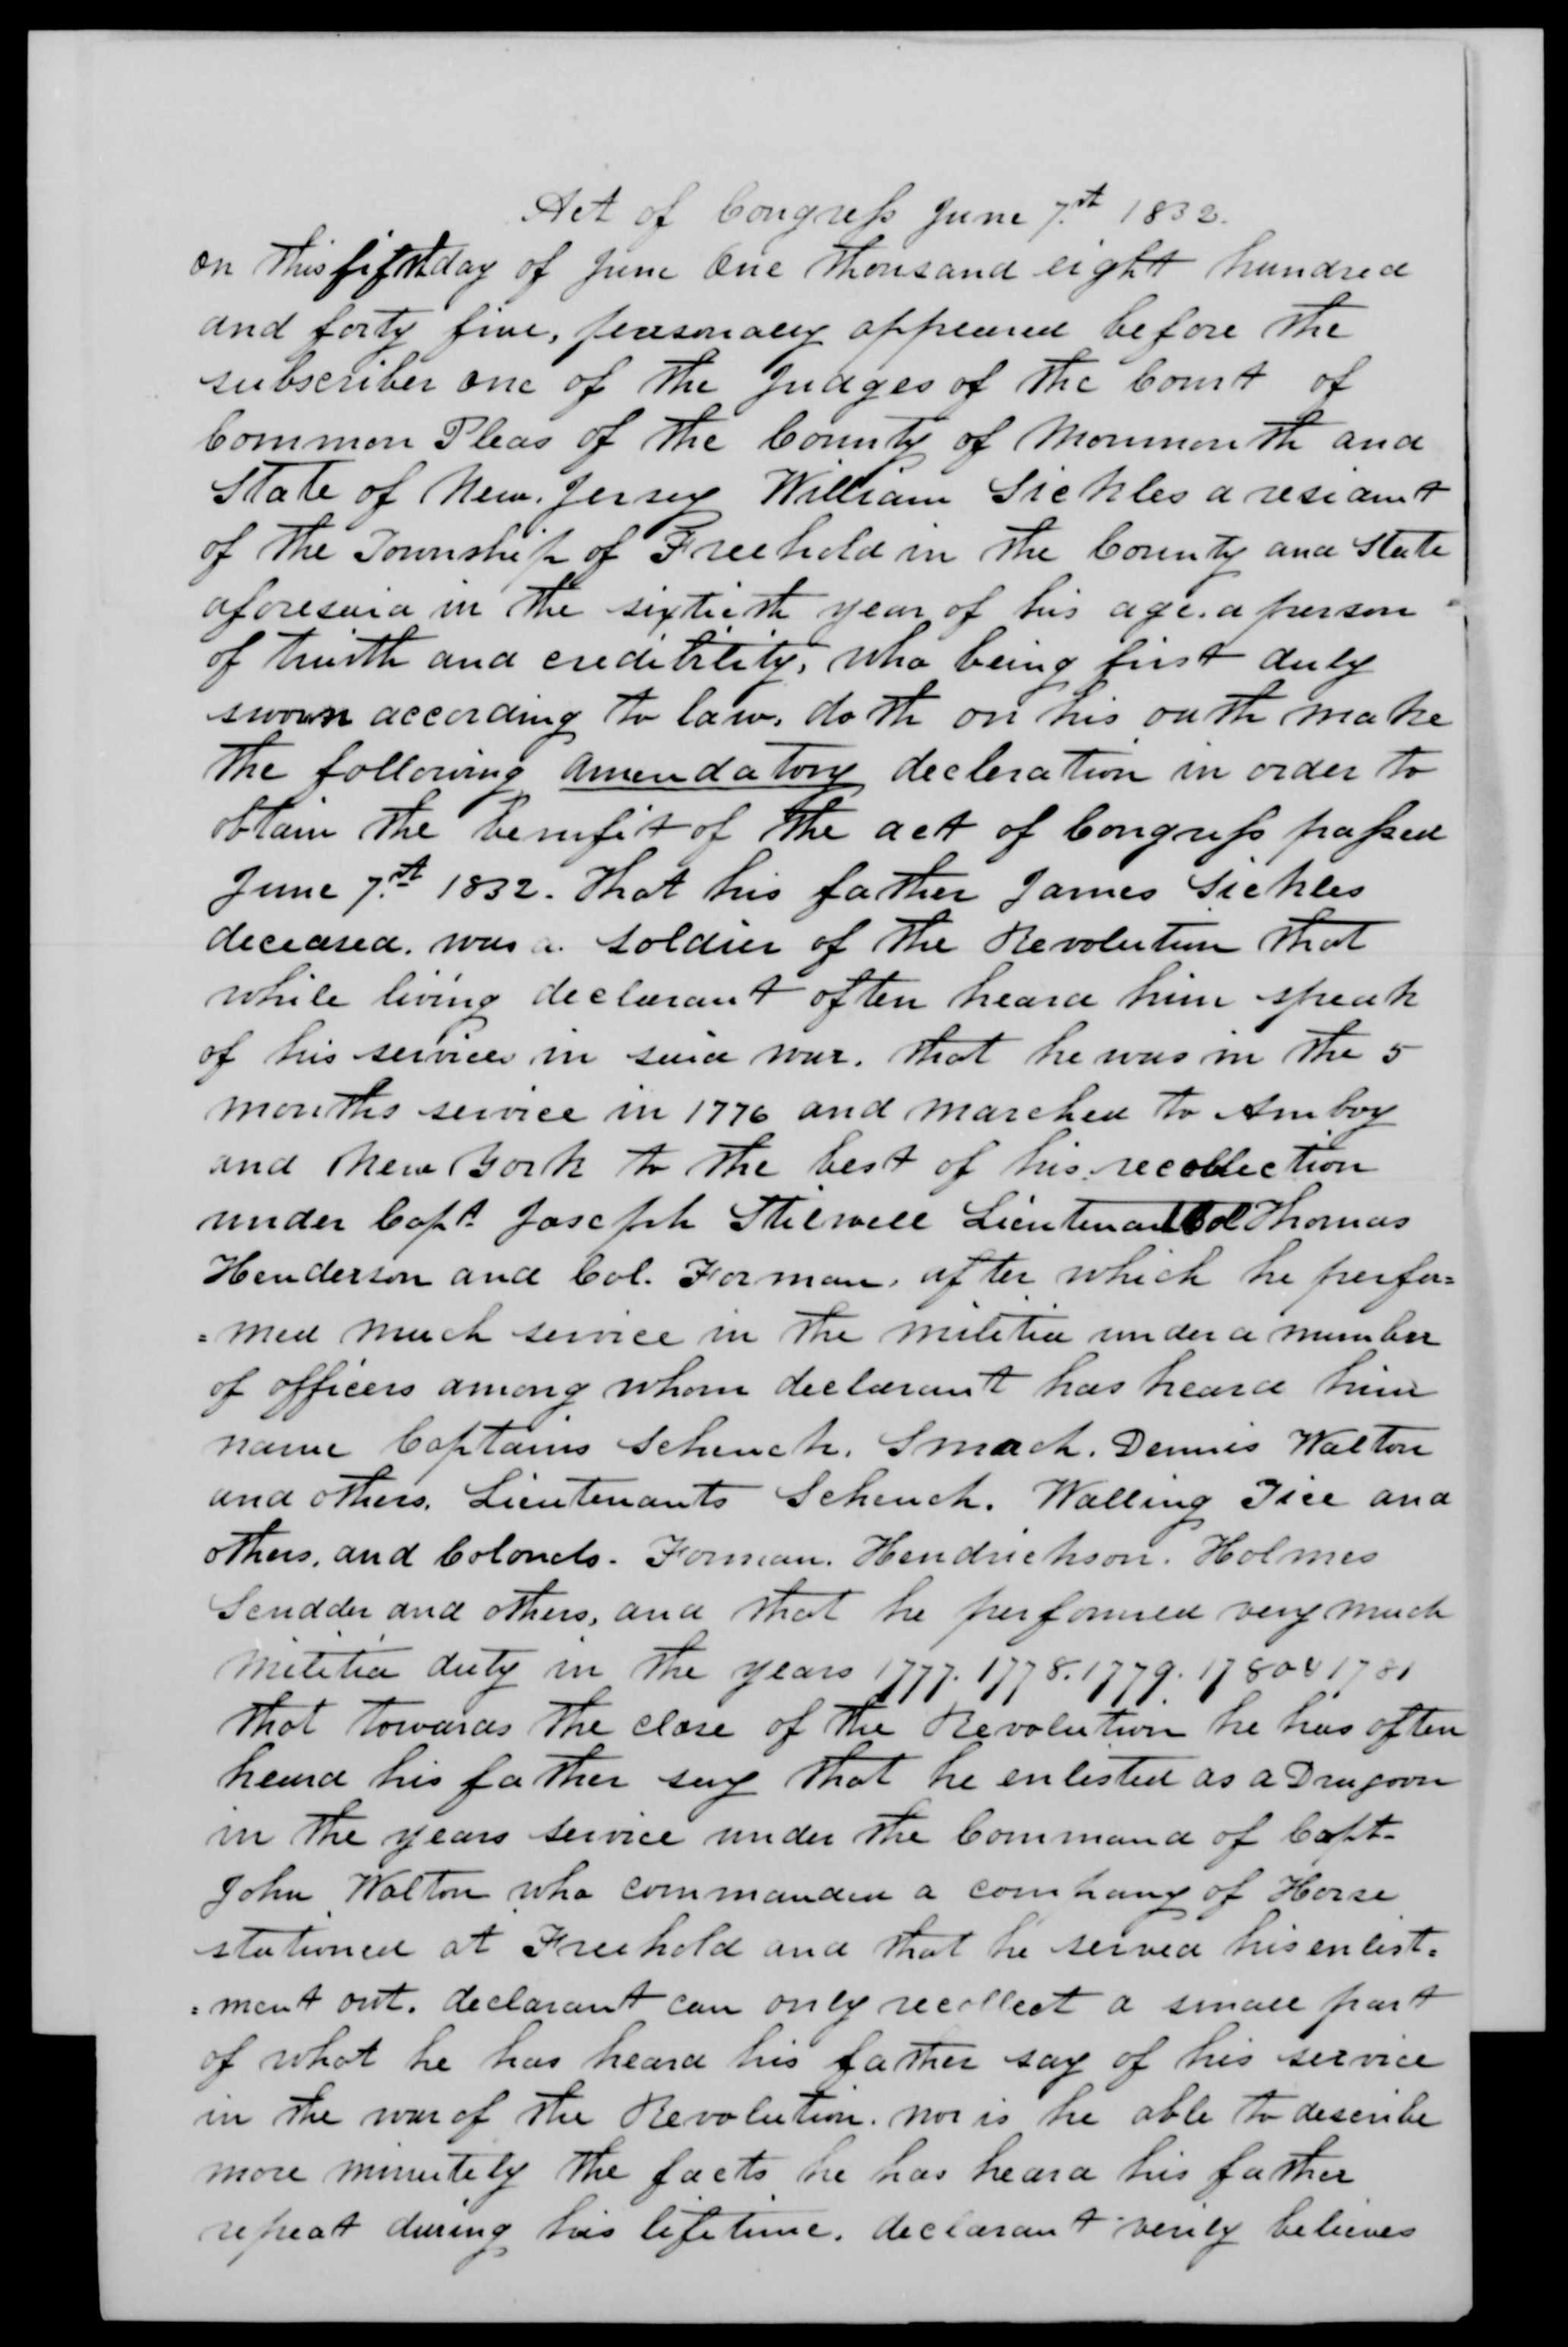Act of Congress June 7th 1832.
on this fifth day of June one thousand eight hundred and forty five, personally appeared before me subscriber one of the Judges of the Court of Common Pleas of the County of Monmouth and State of New Jersey William Sickles a resident of the Township of Freehold in the County and State aforesaid in the sixtieth year of his age, a person of truth and credibility, who being first duly sworn according to law, doth on his oath make the following amendatory decleration in order to obtain the benefit of the act of Congress passed June 7th 1832. That his father James Sickles deceased, was a Soldier of the Revolution that while living declarant often heard him speak of his service in said war. that he was in the 5 months service in 1778 and marched to Amboy and New York to the best of his recollection under Capt. Joseph Stilwell Lieutenant Col Thomas Henderson and Col. Forman, after which he performed much service in the militia under a number of officers among whom declarant has heard him name Captains Schenck, Sm[illegible], Dennis Walton and others. Lieutenants Schenck, Walling Tice and others, and Colonels Forman, Hendrickson, Holmes Scudder and others, and that he performed very much Militia duty in the years 1777, 1778, 1779, 1780 & 1781 that towards the close of the Revolution he has often heard his father say that he enlisted as a Dragoon in the years service under the Command of Capt. John Walton who Commanded a company of Horse stationed at Freehold and that he served his enlistment out. declarant can only recollect a small part of what he has heard his father say of his service in the war of the Revolution. nor is he able to describe more minutely the facts he has heard his father repeat during his lifetime. declarant verily believes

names: [BLANK] Tice; Joseph Stilwell; [BLANK] Hendrichson; [BLANK] Walton; [BLANK] Schench; [BLANK] Walling; John Walton; William Sickles; [BLANK] Smach; Thomas Henderson; [BLANK] Scudder; James Sickles; [BLANK] Forman; [BLANK] Holmes; [BLANK] Forman; [BLANK] Schench; [BLANK] Dennis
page: 31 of 33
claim: survivor's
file: S. 4,841, for James Sickles, New Jersey